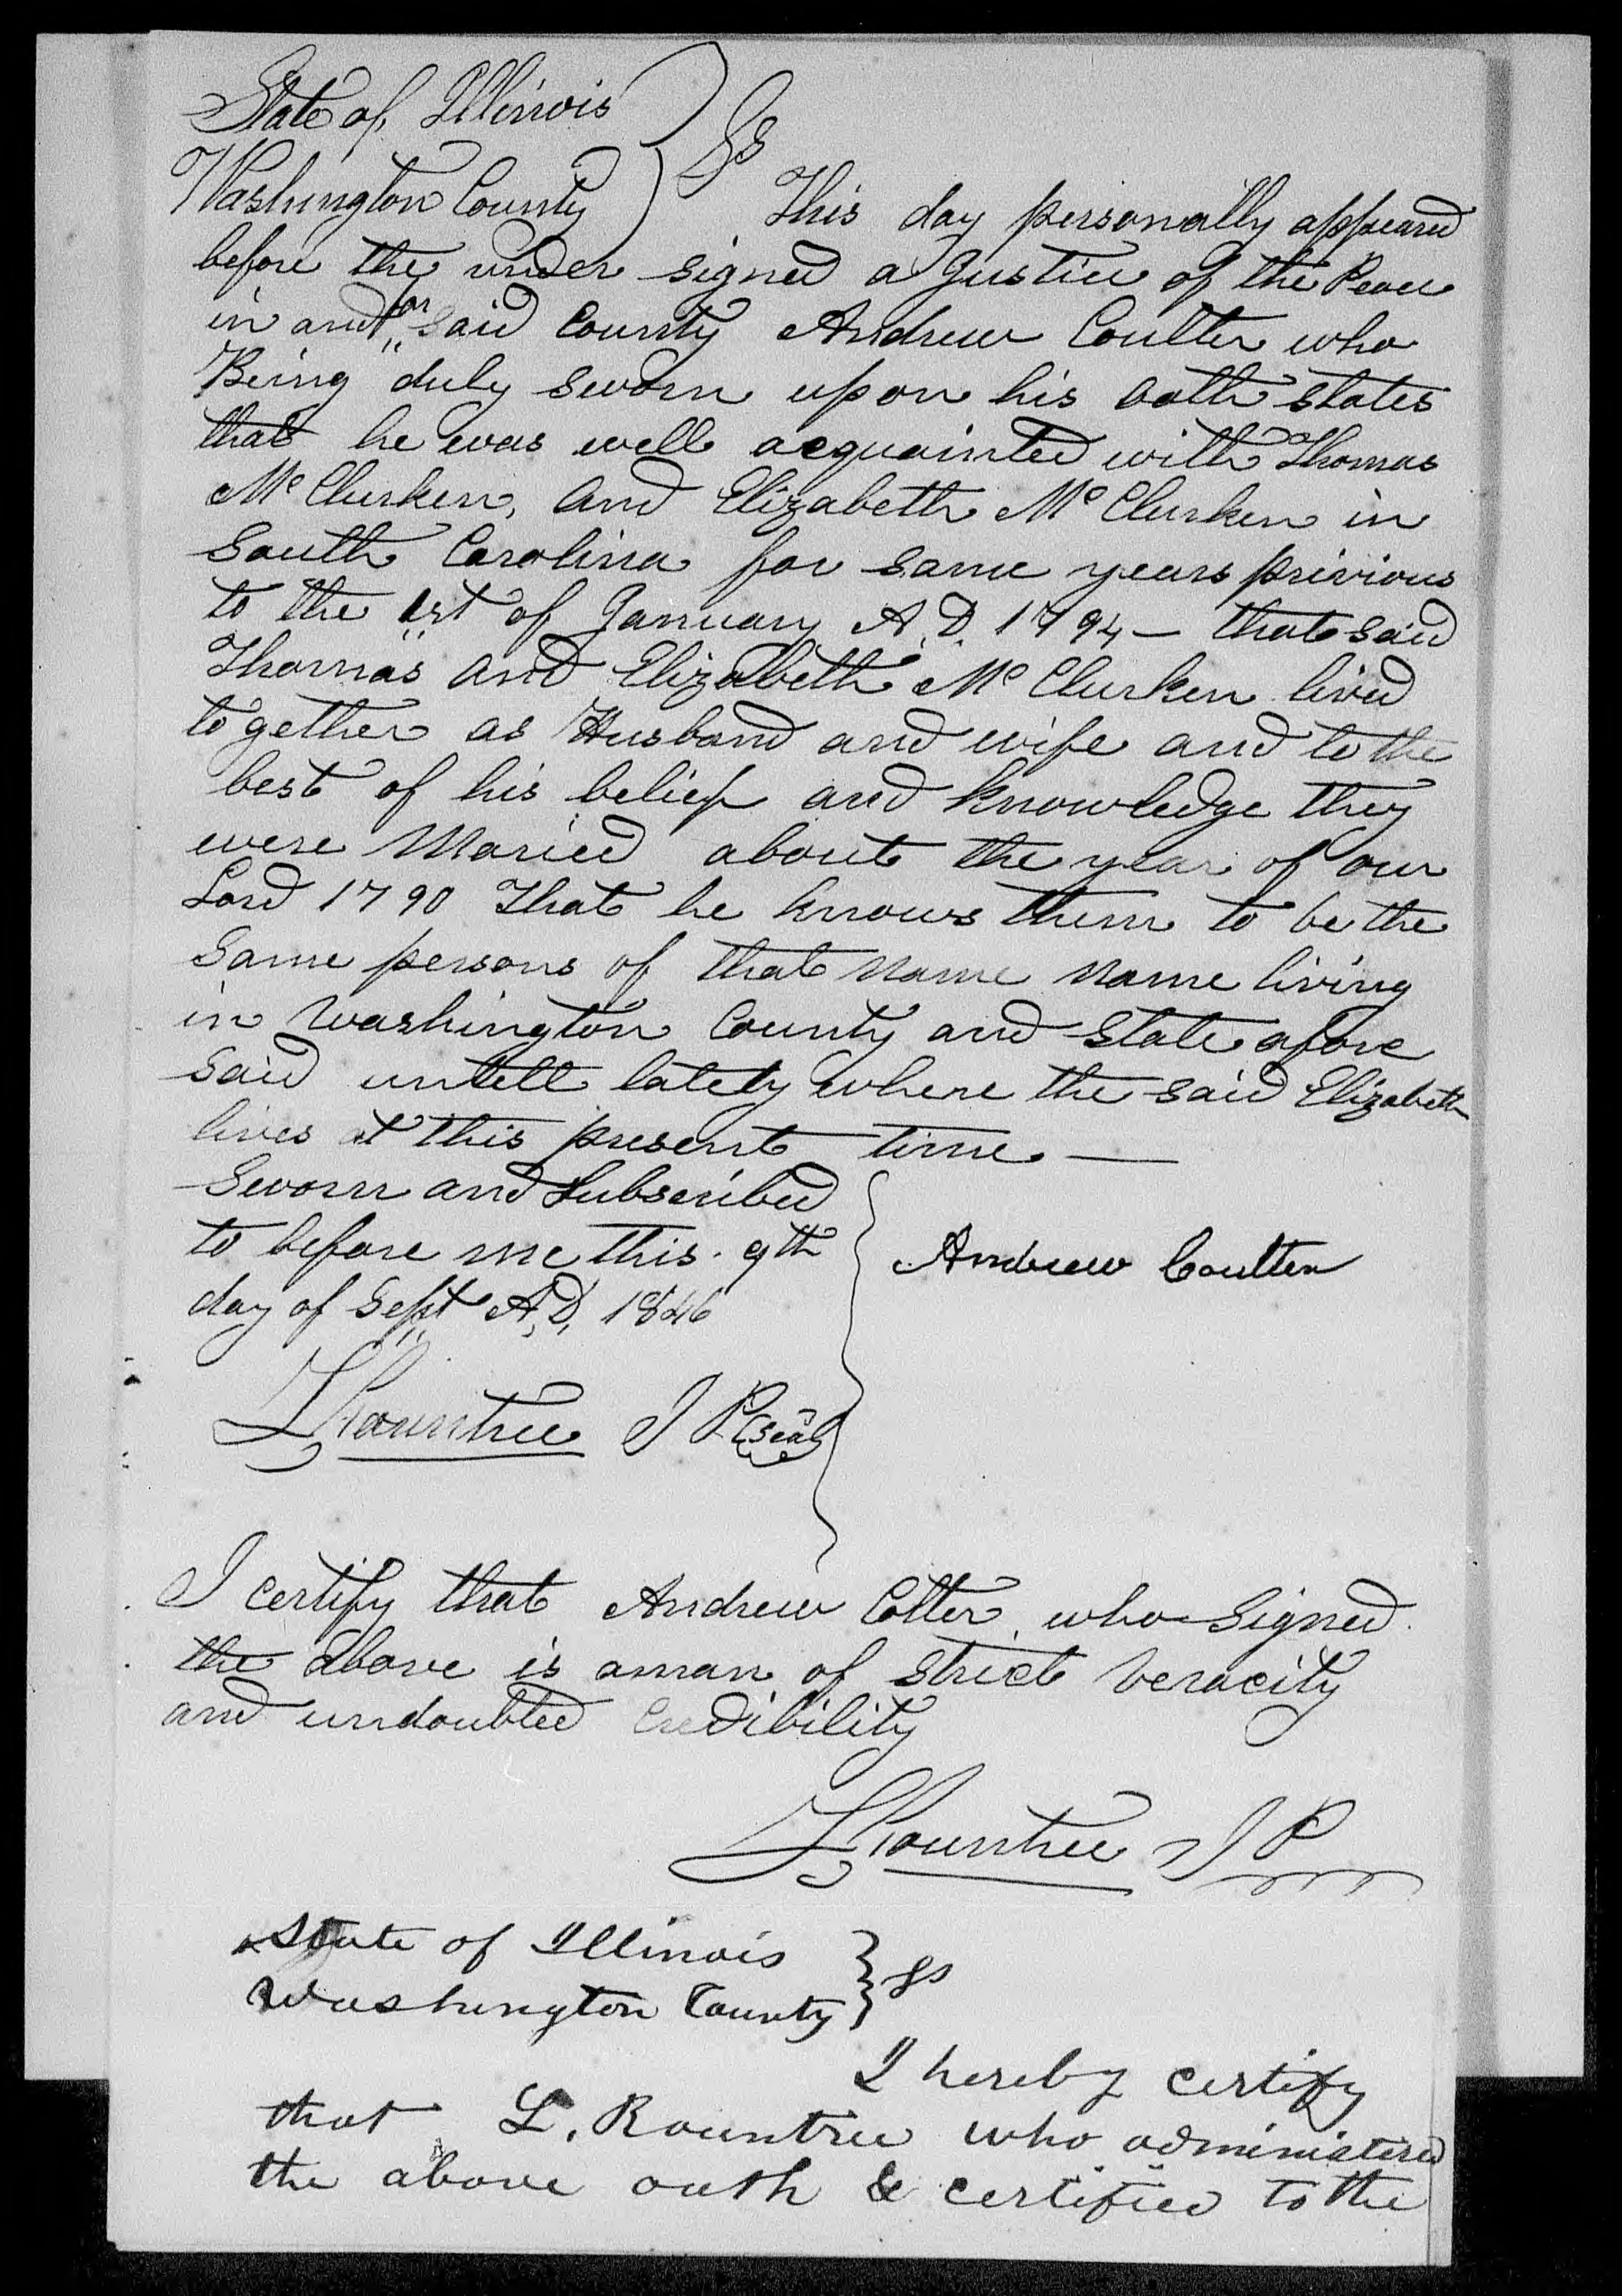State of Illinois} ss
Washington County} 

This day personally appeared before the undersigned a Justice of the Peace in and for said County Andrew Coulter who Being duly sworn upon his oath states that he was well acquainted with Thomas McClurken, and Elizabeth McClurken in South Carolina for some years previous to the 1st of January A.D. 1794, that said Thomas and Elizabeth McClurken lived together as Husband and wife and to the best of his belief and knowledge they were Married about the year of our Lord 1790. That he knows them to be the same persons of that name name living in Washington County and State aforesaid untill lately where the said Elizabeth lives at this present time 

Andrew Coulter

Sworn and subscribed} 
to before me this 9th }
day of Sept A.D. 1846 }
L. Rountree J.P. {seal}

I certify that Andrew Colter who signed the above is a man of strict veracity and undoubted credibility 
L. Rountree J.P.

State of Illinois}ss 
Washington County}
I hereby certify that L. Rountree who administered the above oath & certified to the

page: 64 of 93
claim: widow's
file: W. 21792, for Thomas Mc Clurken, South Carolina